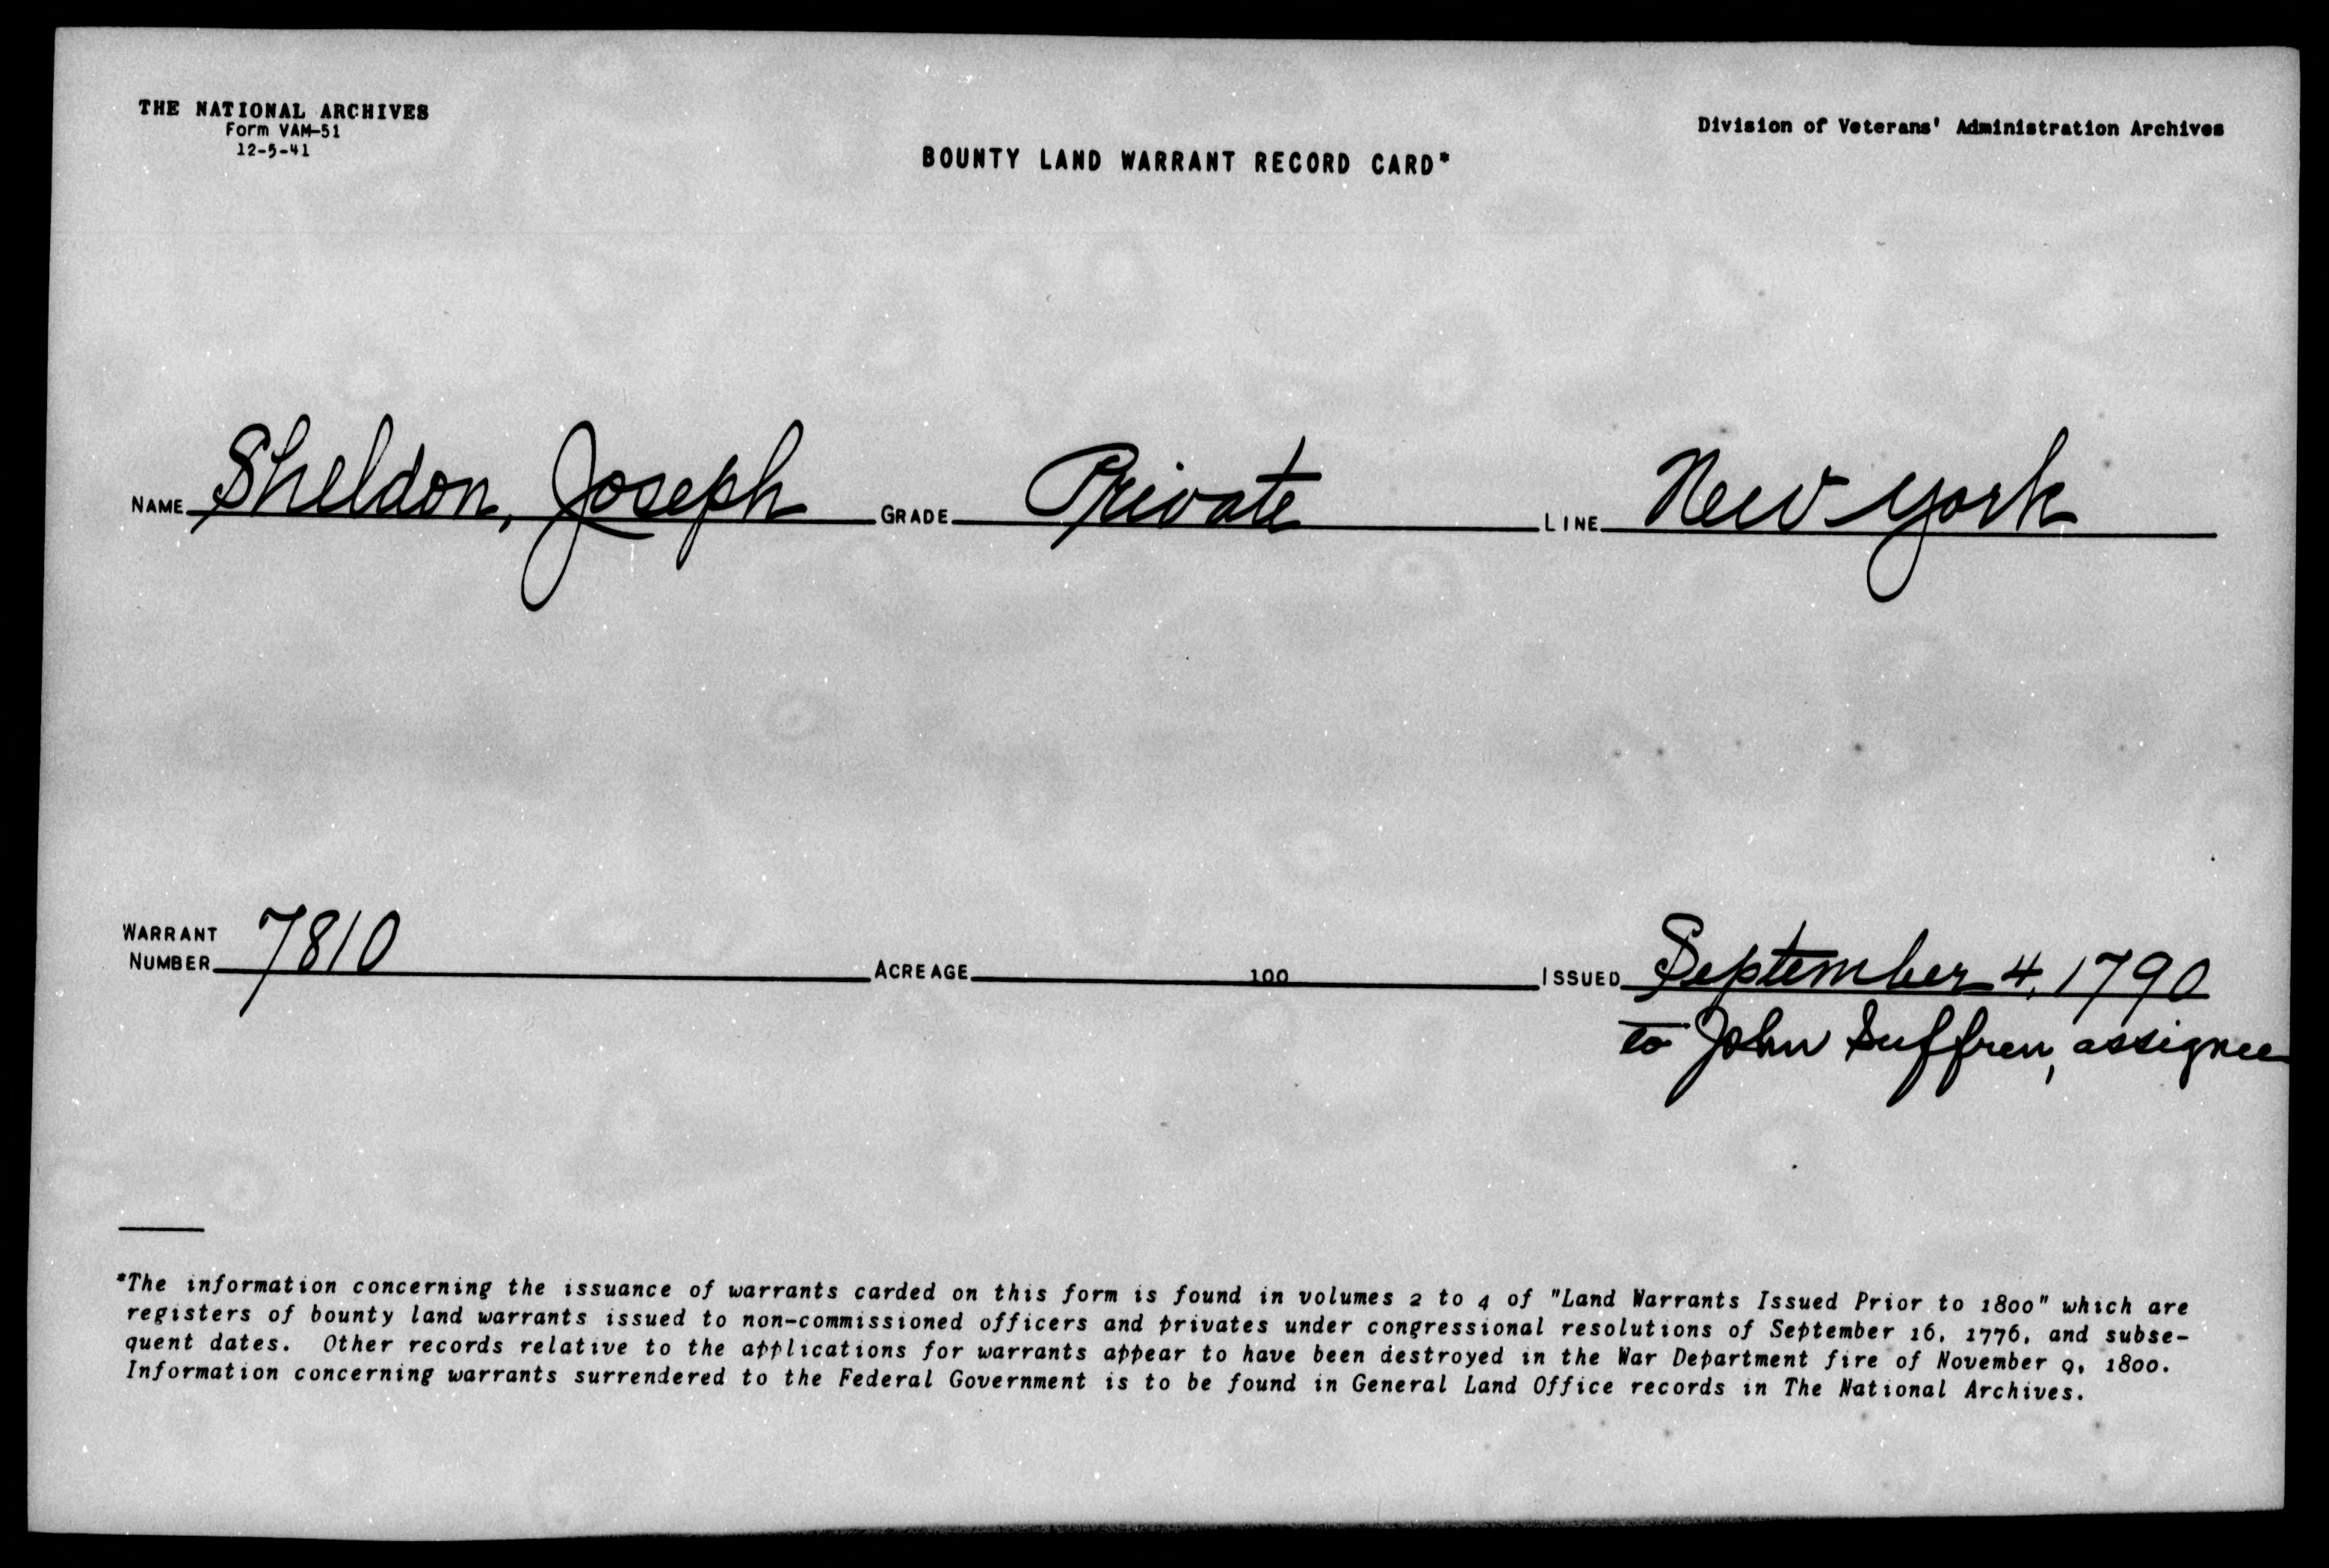Name Sheldon, Joseph  Grade Private  Line New 
York

Warrant 
Number 7810      Acreage 100 Issued September 4, 1790 to John Suffren, assignee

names: Joseph Sheldon; John Suffren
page: 11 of 11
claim: survivor's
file: S. 39840, for Jonathan Sheldon, Rhode Island